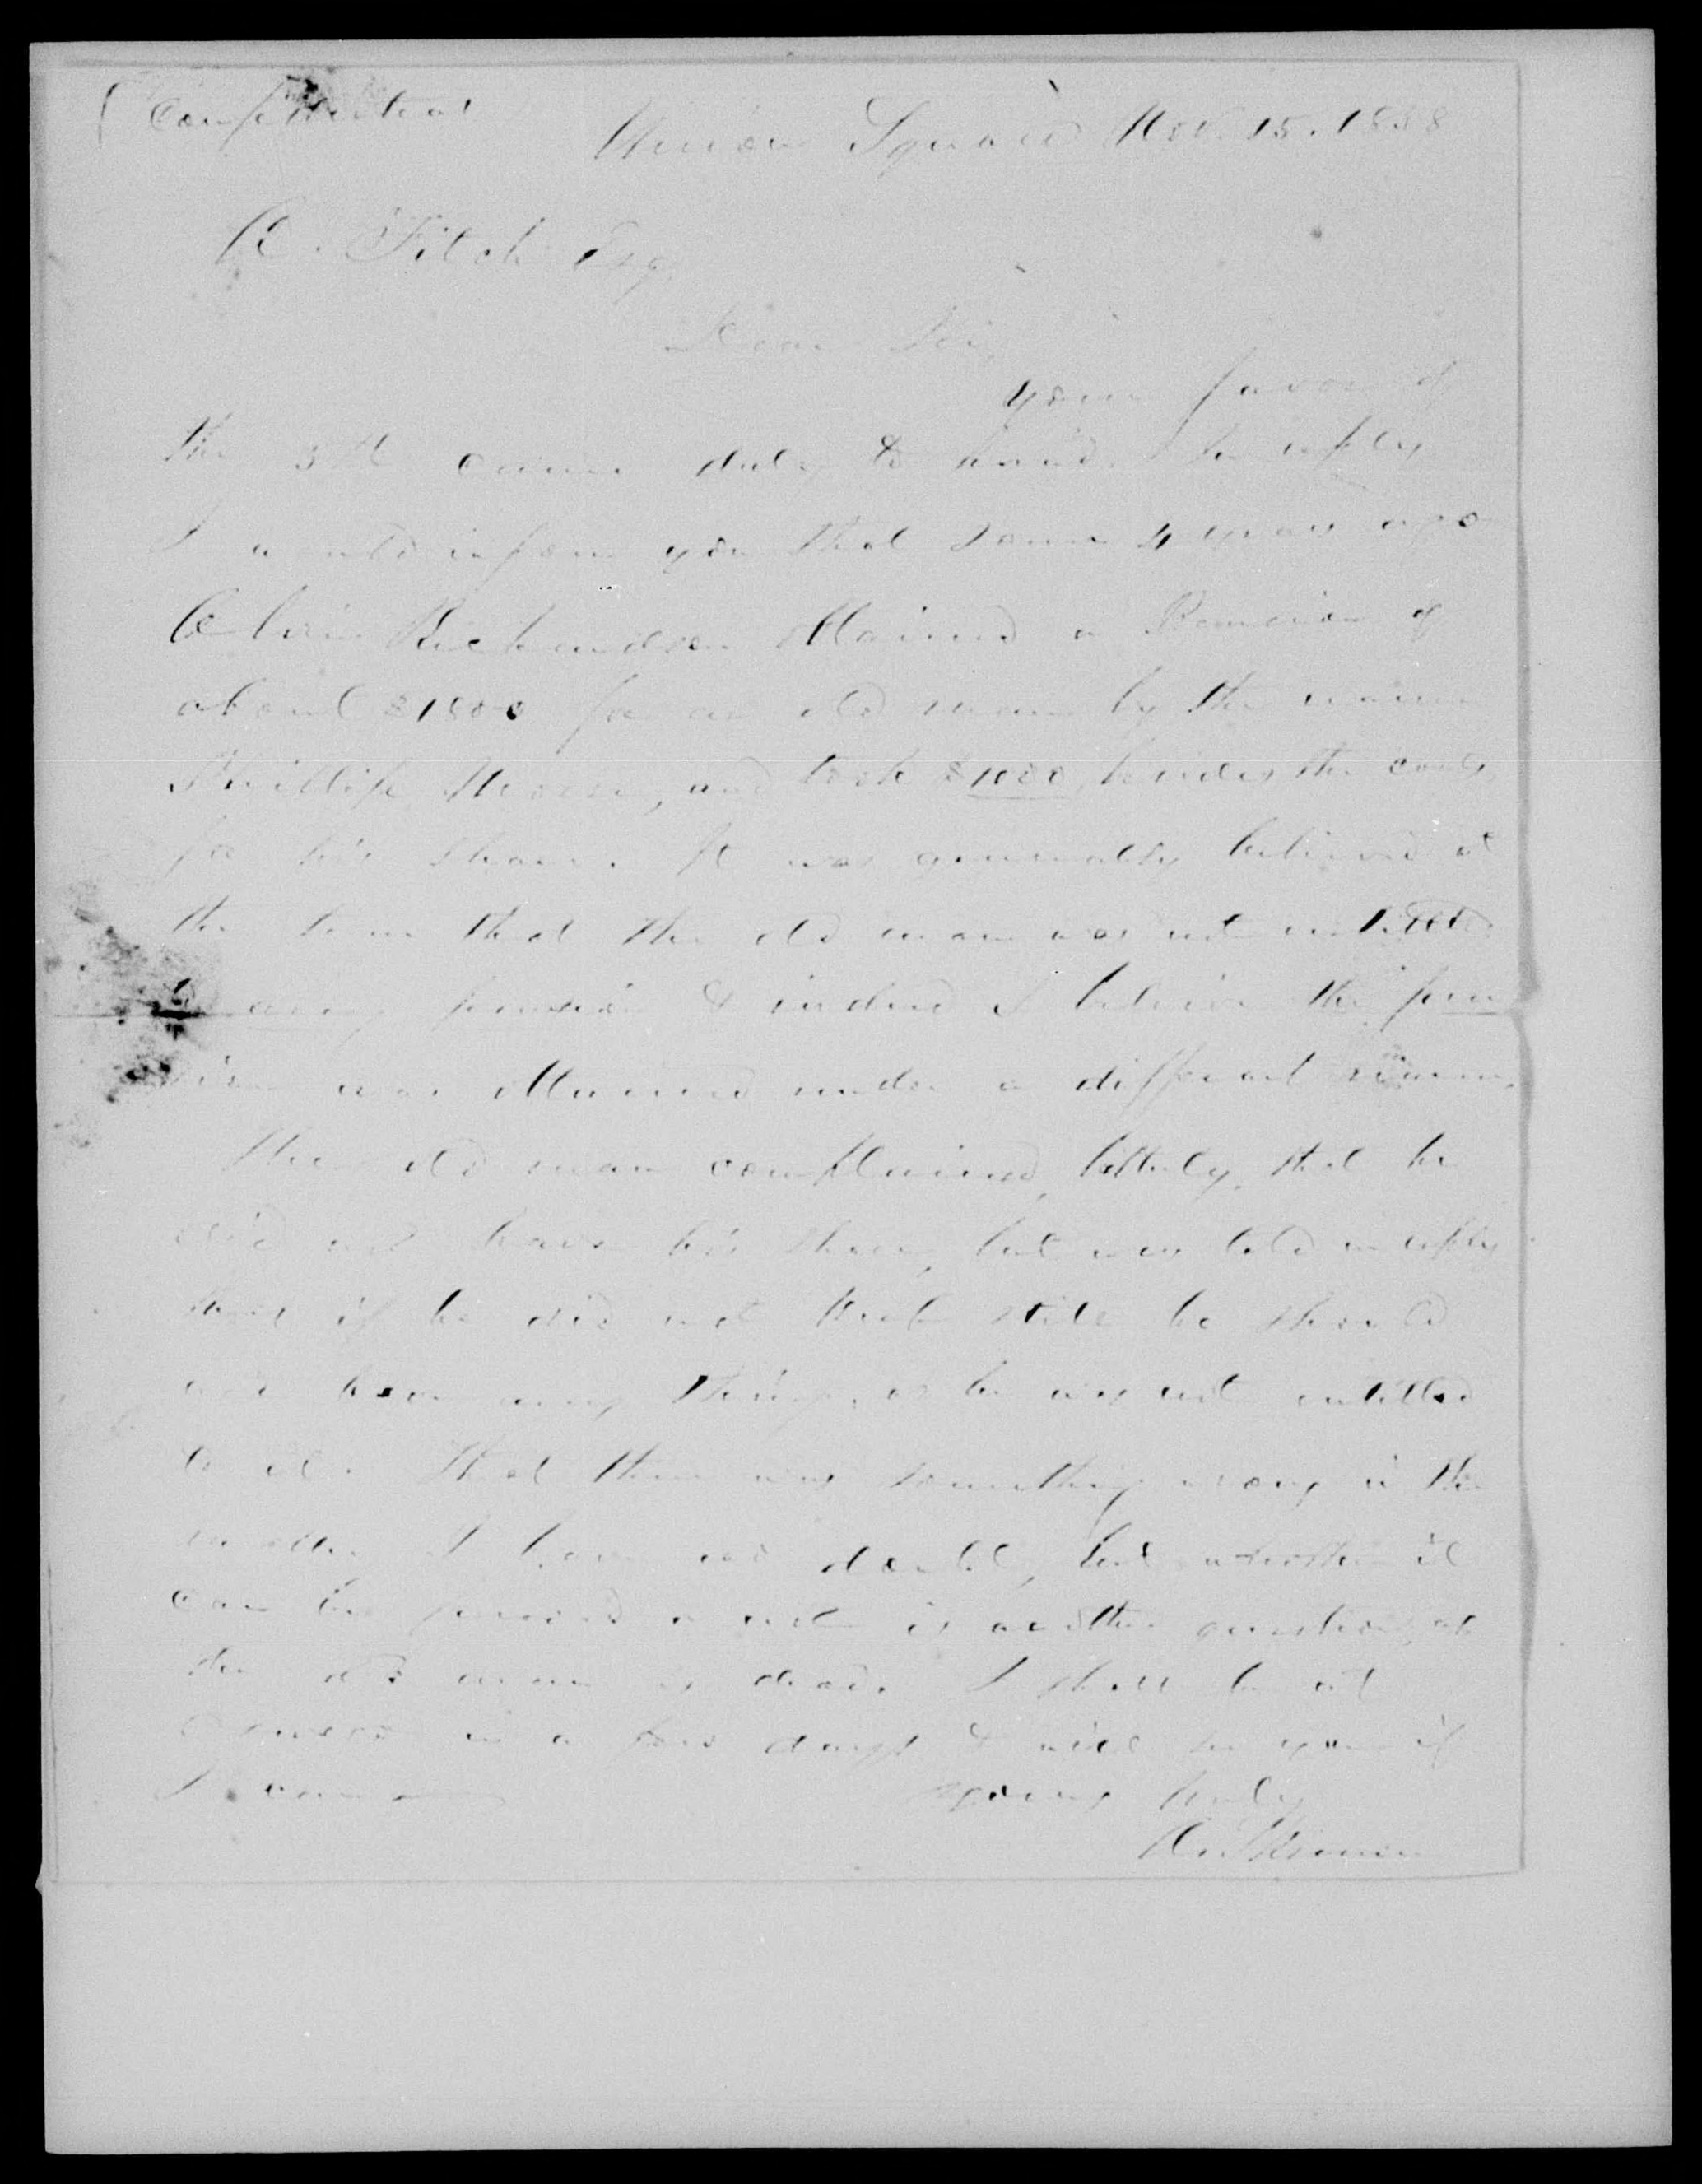Confidential
Union Square November 15, 1838
A Fitch, Esquire
Dear Sir
Your favor of [unreadable] duty to hand to inform you that [unreadable] Alvin Richardson
In pension of $1500 for by the name of Philip Morris

[remainder of text is unreadable]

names: Oliver Richardson; A Fitch; Phillip Morris; R Morris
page: 14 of 44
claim: survivor's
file: S. 28,815, for Philip Morris, Rhode Island